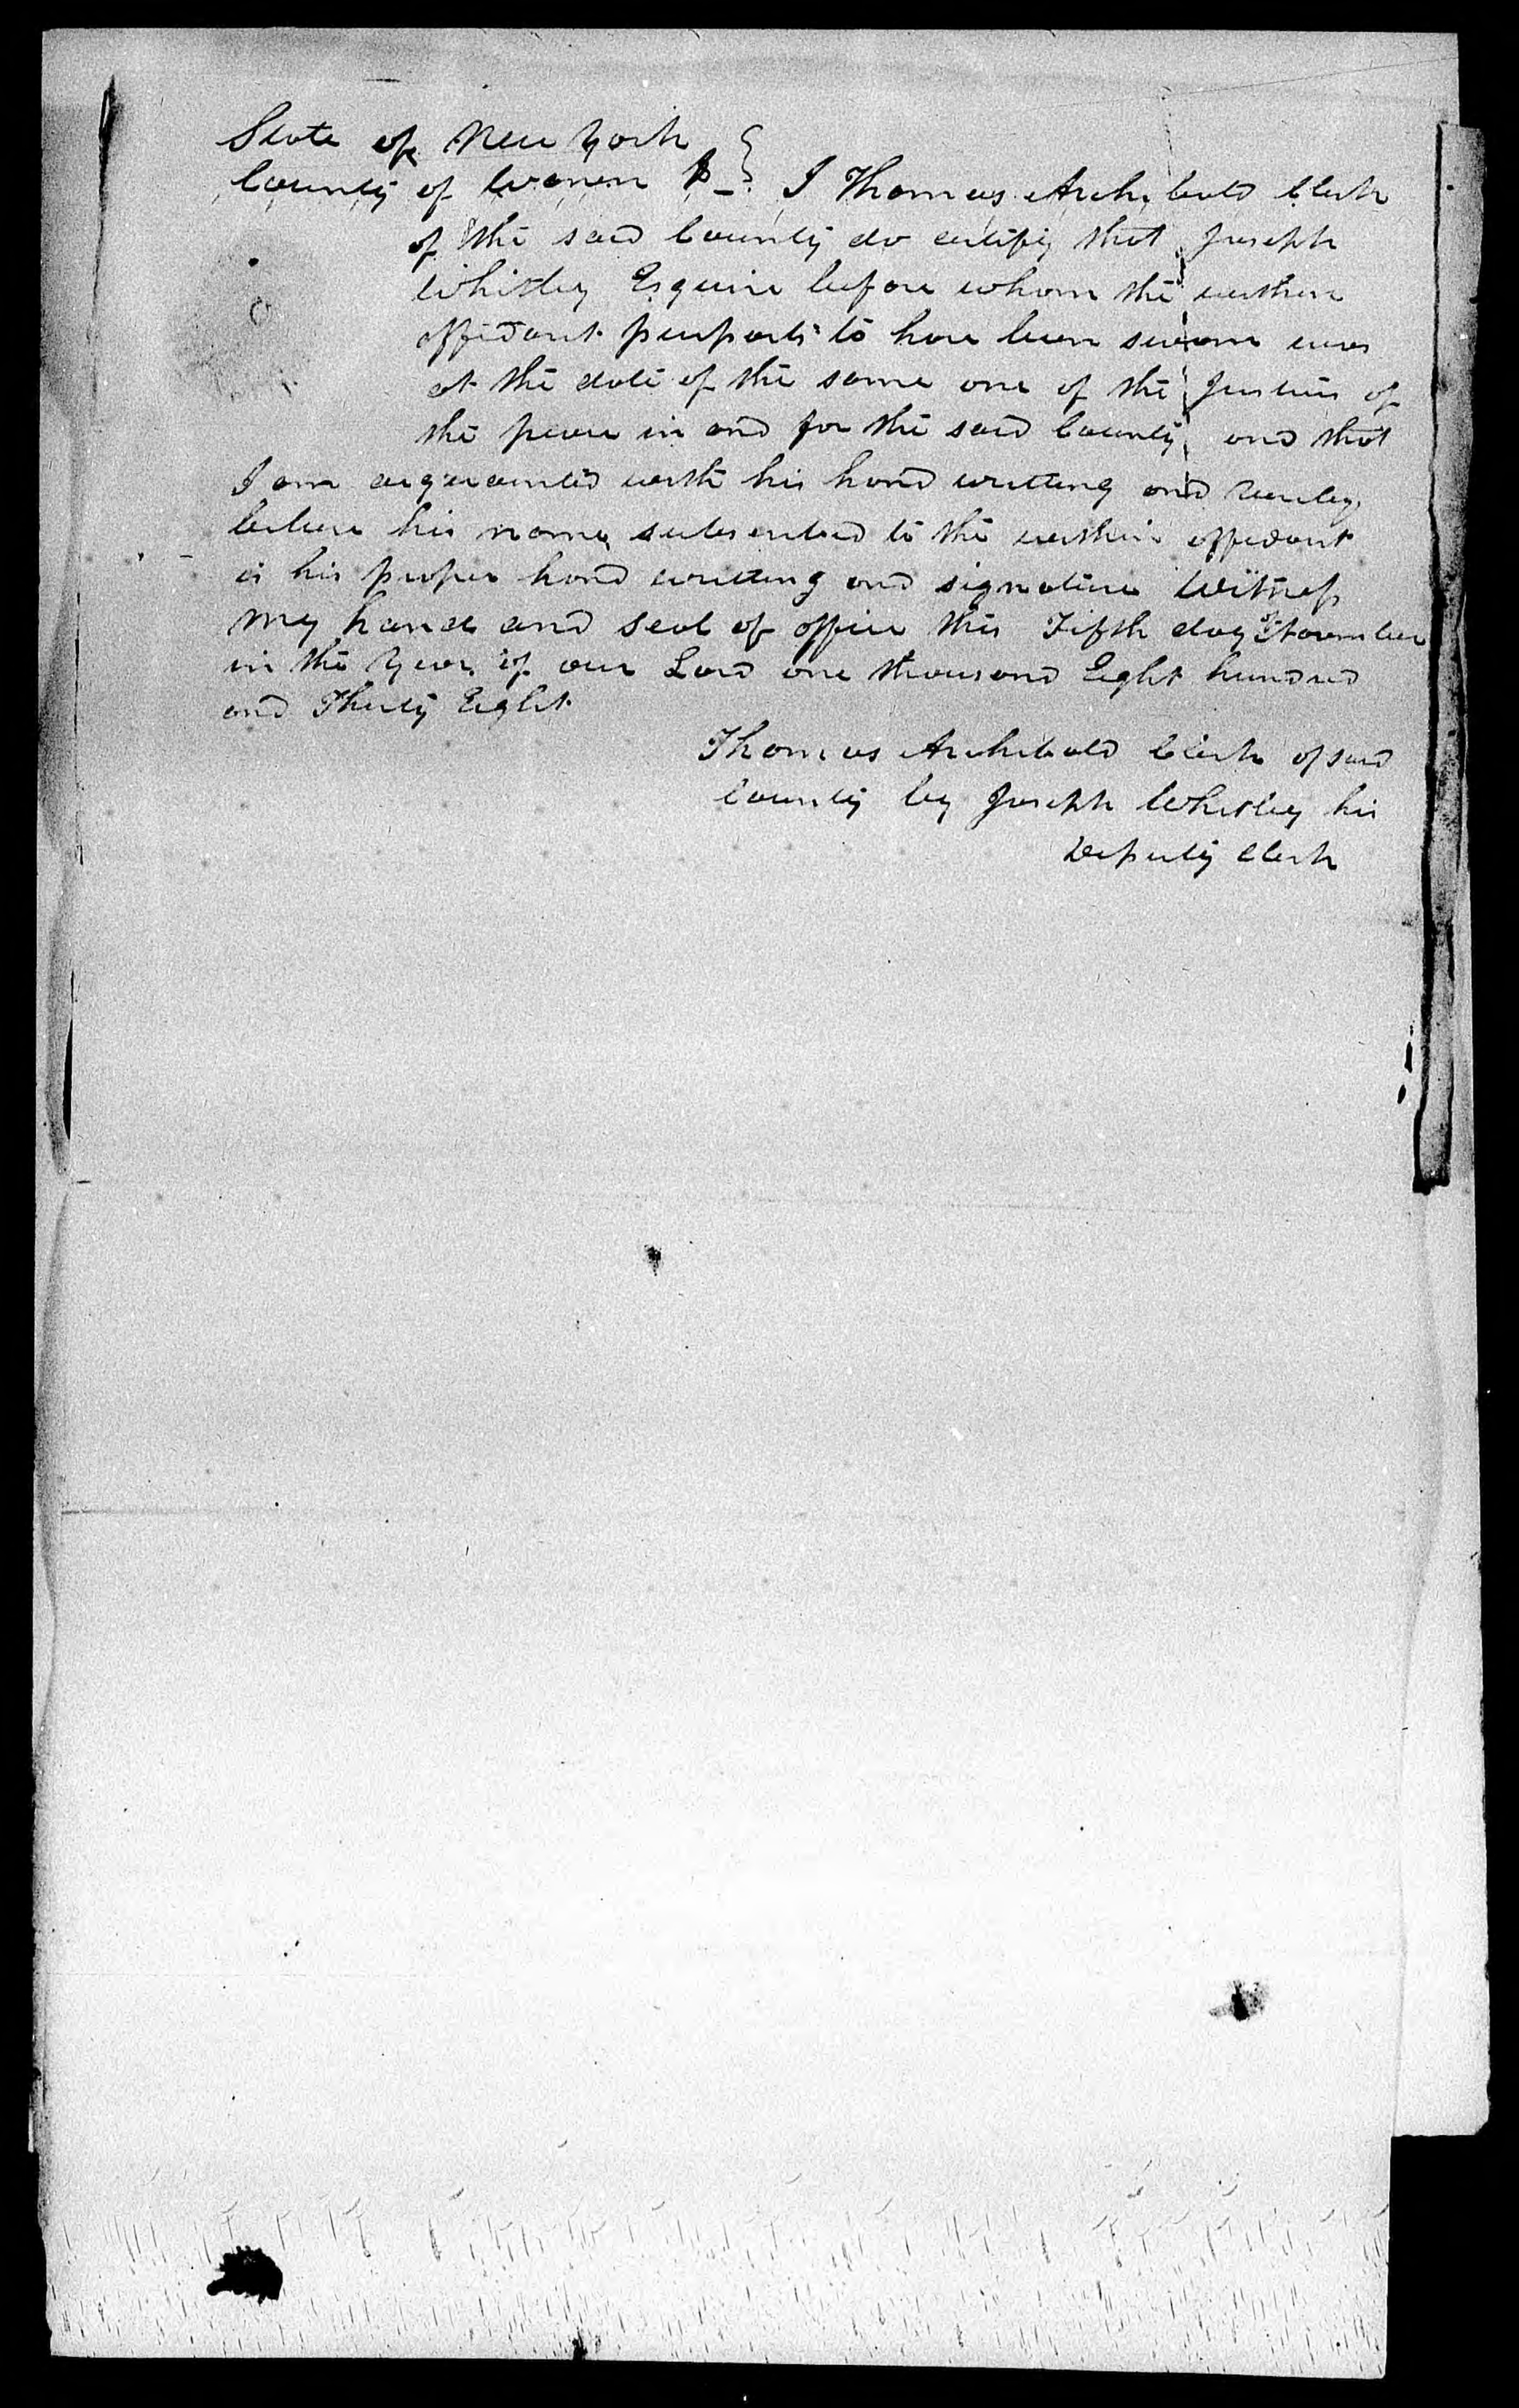State of New York
County of Warren ss

I Thomas Archbold Clerk
of the said County do certify that Joseph
Whitley Esquire before whom the within
affidavit purports to have been sworn was
at the date of the same one of the Justices of
the peace in and for the said County
and that
I am acquainted with his hand writing and duly
believe his name subscribed to the within
affidant
is his proper hand writing and signature witness
my hand and seal of office this fifth day November
in the year of our Lord one thousand Eight hundred
Thirty Eight.

Thomas Archibald Clerk of said
County by Joseph Whitley his
Deputy Clerk
County
&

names: Thomas Archibald, Joseph Whitley, Joseph Whitley, Thomas Archibald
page: 19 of 60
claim: widow's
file: W 16,955, Samuel Dickinson, Conn.